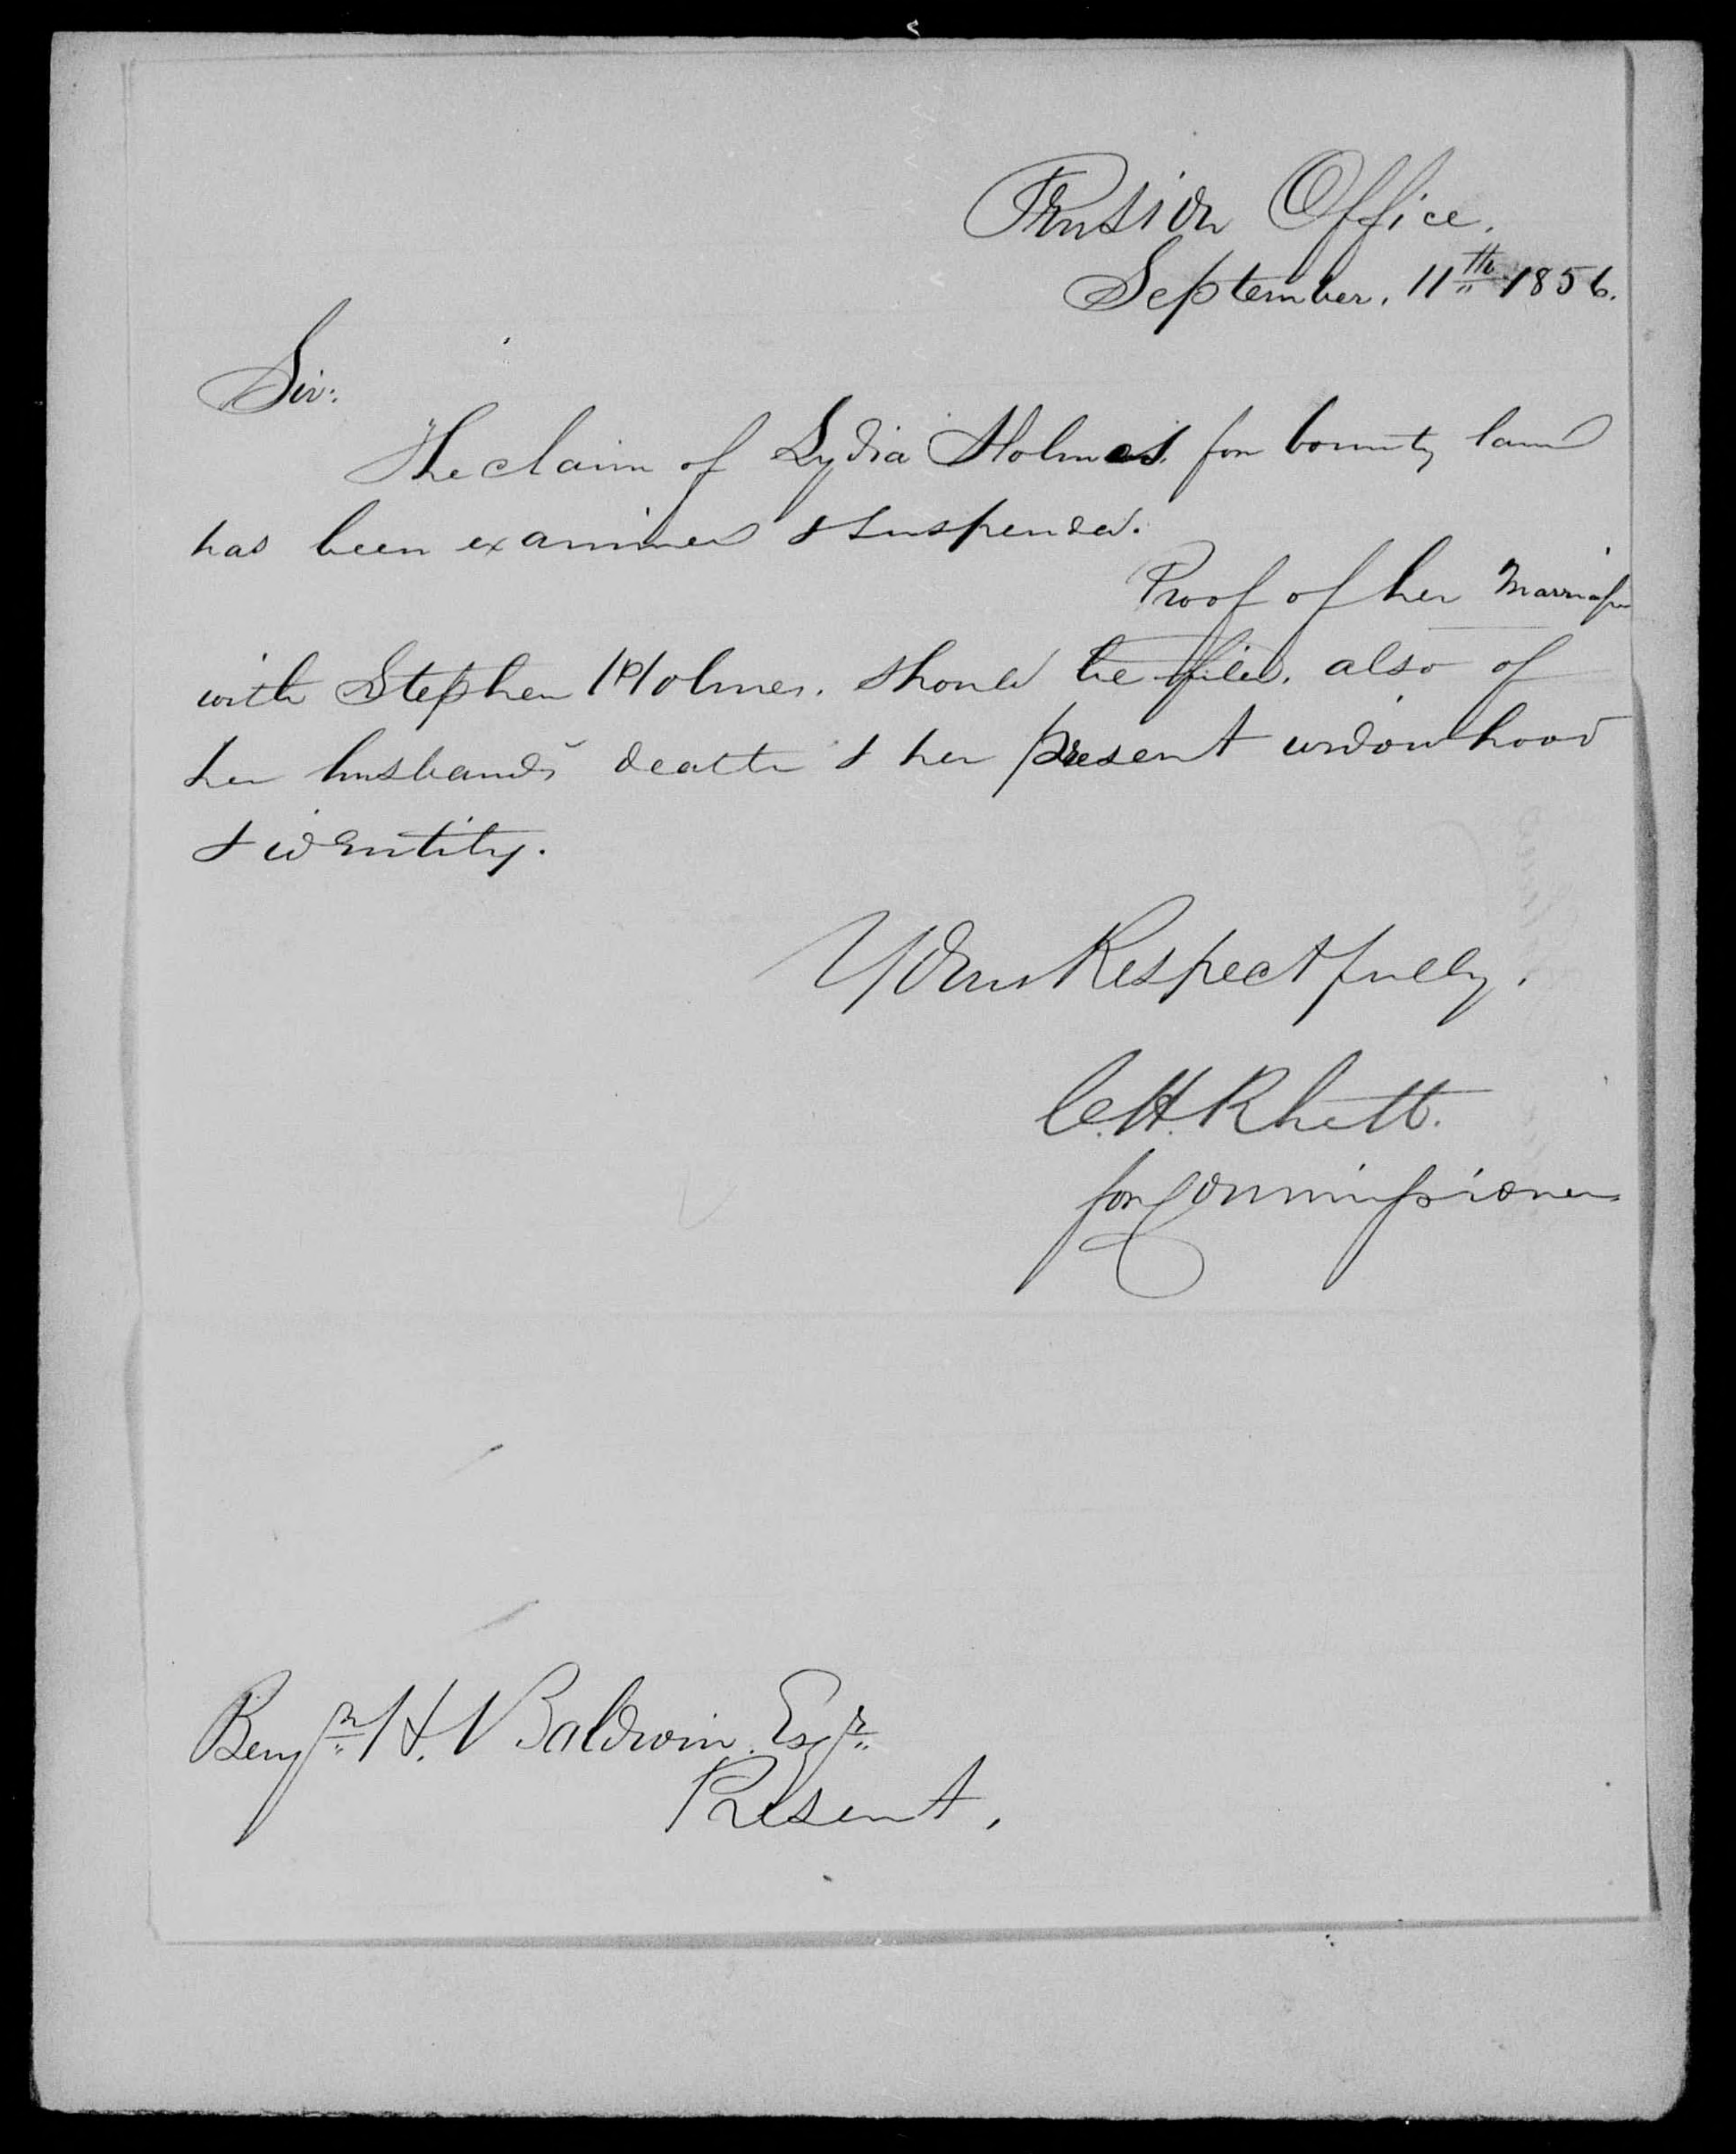Pension Office,
September 11th, 1856

Sir.

The claim of Lydia Holmes for bounty land has been examined + suspended.

Proof of her marriage with Stephen Holmes should be filed, also of her husband's death + her present widowhood + identity.

Yours Respectfully,

C. H. Rhett
for Commissioner

Benj H. Baldwin Esqr
Present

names: Lydia Holmes, Benjn H Baldwin, C H Rhett, Stephen Holmes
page: 36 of 72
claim: widow's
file: W. 7771, Stephen Holmes, Vt.